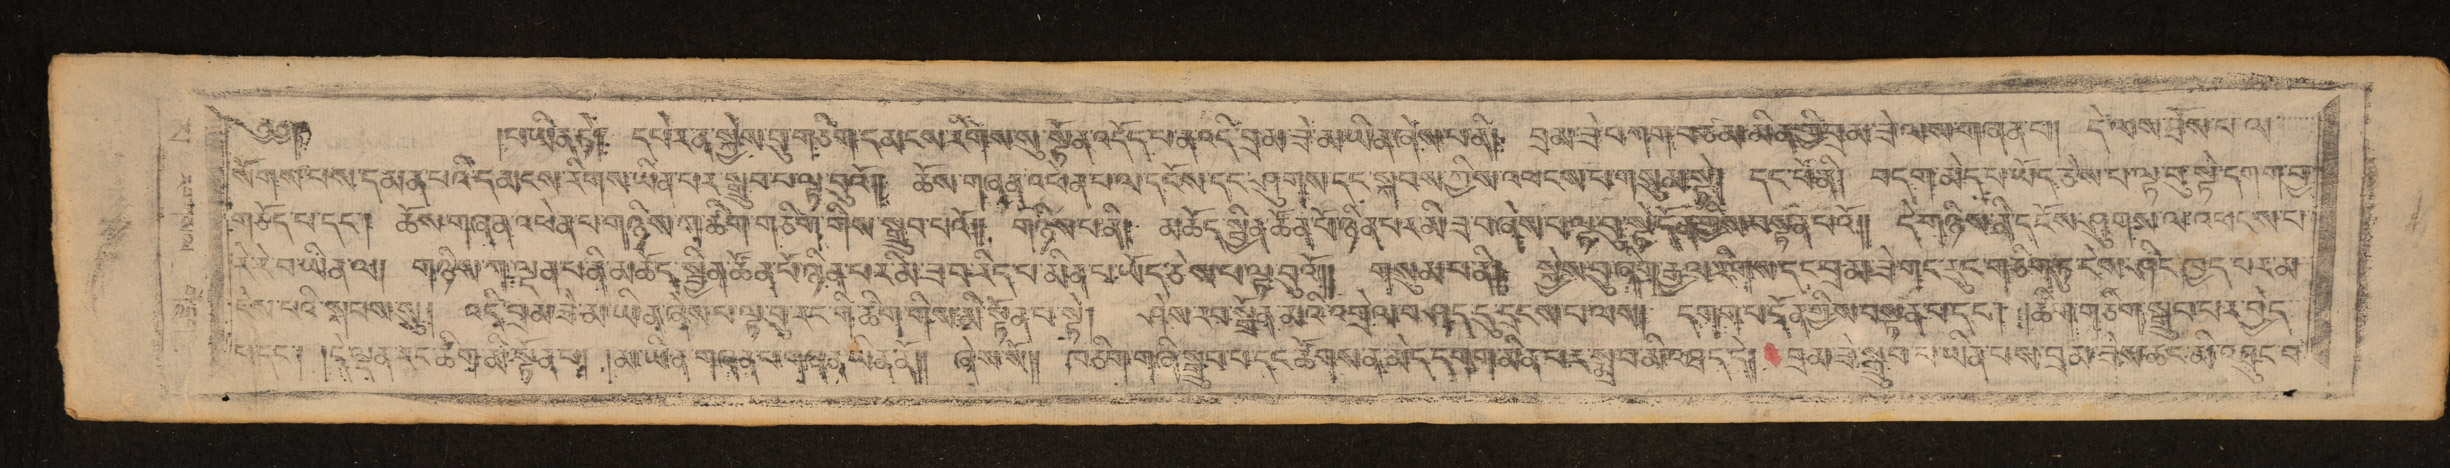༄༅། །པ་ཡིན་ཏེ། དཔེར་ན་སྐྱེས་བུ་གཅིག་དམངས་རིགས་སུ་སྟོན་འདོད་པ་ན་འདི་བྲམ་ཟེ་མ་ཡིན་ཞེས་པ་ནི། བྲམ་ཟེ་བཀག་པ་ཙམ་མིན་གྱི་བྲམ་ཟེ་ལས་གཞན་པ། དེ་ལས་ཐོས་པ་ལ་
སོགས་པས་དམན་པའི་དམངས་རིགས་ཡིན་པར་སྒྲུབ་པ་ལྟ་བུའོ།། ཆོས་གཞན་འཕེན་པ་ལ་དངོས་དང་ཤུགས་དང་སྐབས་ཀྱིས་འཕངས་པ་གསུམ་སྟེ། དང་པོ་ནི། བདག་མེད་པ་ཡོད་ཅེས་པ་ལྟ་བུ་སྟེ་དགག་བྱ་
གཅོད་པ་དང་། ཆོས་གཞན་འཕེན་པ་གཉིས་ཀ་ཚིག་གཅིག་གིས་སྒྲུབ་པའོ།། གཉིས་པ་ནི། མཆོད་སྦྱིན་ཚོན་པོ་ཉིན་པར་མི་ཟ་བ་ཞེས་པ་ལྟ་བུ་སྟེ་དོན་གྱིས་བསྟན་པའོ།། དེ་གཉིས་ནི་དངོས་ཤུགས་ལ་འཕངས་པ་
རེ་རེ་བ་ཡིན་ལ། གཉིས་ཀ་ལྡན་པ་ནི་མཆོད་སྦྱིན་ཚོན་པོ་ཉིན་པར་མི་ཟ་བ་རིད་པ་མིན་པ་ཡོད་ཅེས་པ་ལྟ་བུའོ།། གསུམ་པ་ནི། སྐྱེས་བུ་ཞིག་རྒྱལ་རིགས་དང་བྲམ་ཟེ་གང་རུང་གཅིག་ཏུ་ངེས་ཤིང་ཁྱད་པར་མ་
ངེས་པའི་སྐབས་སུ། འདི་བྲམ་ཟེ་མ་ཡིན་ཞེས་པ་ལྟ་བུ་རང་གི་ཚིག་གིས་མི་སྟོན་པ་སྟེ། ཤེས་རབ་སྒྲོན་མའི་འགྲེལ་བཤད་དུ་དྲངས་པ་ལས། དགག་པ་དོན་གྱིས་བསྟན་པ་དང་། །ཚིག་གཅིག་སྒྲུབ་པར་བྱེད་
པ་དང་། །དེ་ལྡན་རང་ཚིག་མི་སྟོན་པ། །མ་ཡིན་གཞན་པ་གཞན་ཡིན་ནོ།། ཞེས་སོ།། ཁ་ཅིག་གཞི་སྒྲུབ་པ་དང་ཚོགས་ན་མེད་དགག་མིན་པར་སྨྲ་བ་མི་འཐད་དེ། བྲམ་ཟེ་སྒྲུབ་པ་ཡིན་པས་བྲམ་ཟེས་ཆང་མི་འཐུང་བ་